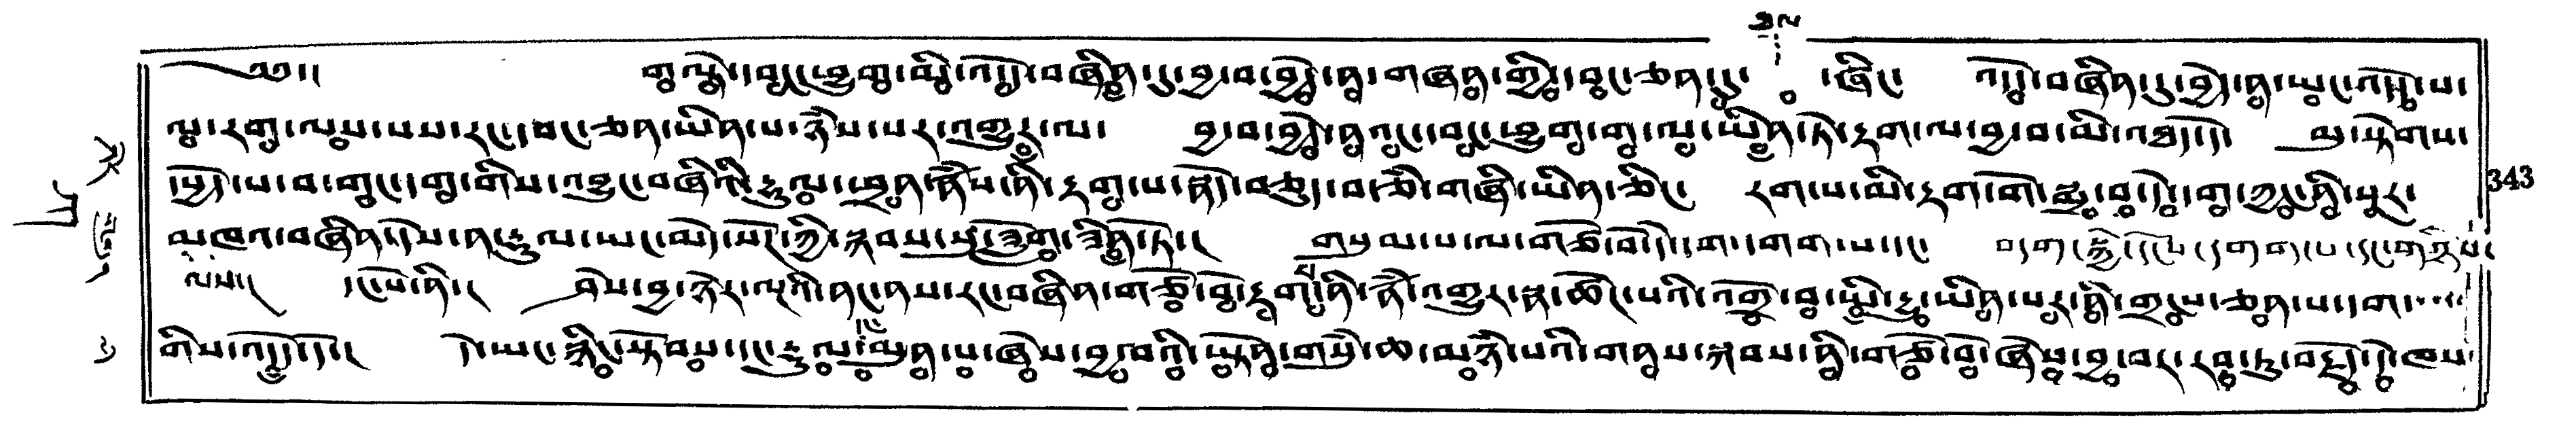གལ་ཏེ་དབང་ཕྱུག་མི་འདོད་བཞིན་དུ་བྱ་བ་བྱེད་ན་གཞན་གྱི་དབང་ཅན་དུ་ཐལ་ཞིང་། འདོད་བཞིན་དུ་བྱེད་ན་ཡང་འདོད་པ་
ལ་རག་ལས་པས་རང་དབང་ཅན་ཡིན་པ་ཉམས་པར་འགྱུར་ལ། བྱ་བ་བྱེད་ནའང་དབང་ཕྱུག་ག་ལ་ཡིན་ཏེ་རྟག་ལ་བྱ་བ་མི་འཐད་དོ།། མུ་སྟེགས་
དཔྱོད་པ་བ་གང་དག་གིས་འབྱུང་བཞིའི་རྡུལ་ཕྲན་རྣམས་ནི་རྟག་པ་སྣོད་བཅུད་ཀྱི་བརྩམ་གཞི་ཡིན་ཅིང་། རགས་པ་མི་རྟག་གོ་སྨྲ་བ་དེ་དག་ཀྱང་ནི་སྔར། 
མཁའ་བཞིན་དེས་ན་རྡུལ་ཡང་མེད་སོགས་ཀྱི་སྐབས་སུ་བཟློག་ཟིན་ཏོ།། གསུམ་པ་ལ། གཙོ་བོ་དེ་དག་དགག་པ་དང་། བདག་སྐྱེ་དངོས་དགག་པ་དང་གཉིས་
ལས། དང་པོ་ནི། ཤེས་བྱ་ཉེར་ལྔའི་ནང་ནས་རང་བཞིན་གཙོ་བོ་རྟག་པ་ནི་རྣམ་འགྱུར་སྣ་ཚོགས་པའི་འགྲོ་བ་ཡི་རྒྱུ་ཡིན་པར་ནི་གྲངས་ཅན་པ་དག་
གིས་འདོད་དོ།། དེ་ཡང་སྙིང་སྟོབས་དང་རྡུལ་དང་མུན་པ་ཞེས་བྱ་བའི་ཡོན་ཏན་གསུམ་ཆ་མཉམ་པའི་གནས་སྐབས་ནི་གཙོ་བོ་ཞེས་བྱ་བར་རབ་ཏུ་བརྗོད་དེ་ཁས་